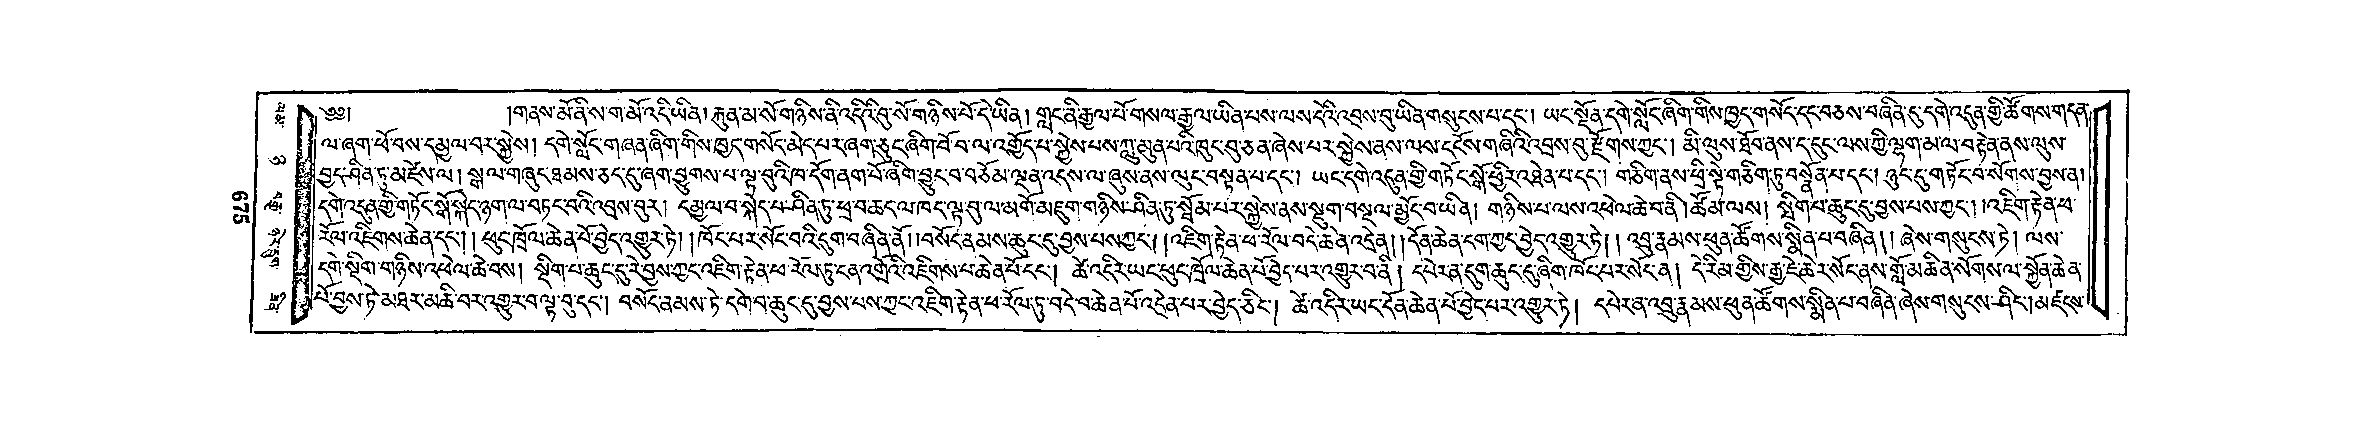༄༅། །གནས་མོ་ནི་ས་ག་མོ་འདི་ཡིན། རྐུན་མ་སོ་གཉིས་ནི་འདིའི་བུ་སོ་གཉིས་པོ་དེ་ཡིན། གླང་ནི་རྒྱལ་པོ་གསལ་རྒྱལ་ཡིན་པས་ལས་དེའི་འབྲས་བུ་ཡིན་གསུངས་པ་དང་། ཡང་སྔོན་དགེ་སློང་ཞིག་གིས་ཁྱད་གསོད་དང་བཅས་བཞིན་དུ་དགེ་འདུན་གྱི་ཚོགས་གདན་
ལ་ཞག་པོ་བས་དམྱལ་བར་སྐྱེས། དགེ་སློང་གཞན་ཞིག་གིས་ཁྱད་གསོད་མེད་པར་ཞག་ཅུང་ཞིག་བོ་བ་ལ་འགྱོད་པ་སྐྱེས་པས་ཀླུ་མུན་པའི་ཁུང་བུ་ཅན་ཞེས་པར་སྐྱེས་ནས་ལས་དངོས་གཞིའི་འབྲས་བུ་རྫོགས་ཀྱང་། མི་ལུས་ཐོབ་ནས་ད་དུང་ལས་ཀྱི་ལྷག་མ་ལ་བརྟེན་ནས་ལུས་
བྱད་ཤིན་ཏུ་མཛེས་ལ། སྒལ་གཞུང་ཐམས་ཅད་དུ་ཞག་བྱུགས་པ་ལྟ་བུའི་ཁ་དོག་ནག་པོ་ཞིག་བྱུང་བ་བཅོམ་ལྡན་འདས་ལ་ཞུས་ནས་ལུང་བསྟན་པ་དང་། ཡང་དགེ་འདུན་གྱི་གཏོང་སྒོ་ཕྱིར་འཐེན་པ་དང་། གཅིག་ནས་ཕྲི་སྟེ་གཅིག་ཏུ་བསྣོན་པ་དང་། ཉུང་དུ་གཏོང་བ་སོགས་བྱས་ན།
དགེ་འདུན་གྱི་གཏོང་སྒོ་སྐེད་ཉག་ལ་བཏང་བའི་འབྲས་བུར། དམྱལ་བ་སྐེད་པ་ཤིན་ཏུ་ཕྲ་བ་ཆད་ལ་ཁད་ལྟ་བུ་ལ་མགོ་མཇུག་གཉིས་ཤིན་ཏུ་སྦོམ་པར་སྐྱེས་ནས་སྡུག་བསྔལ་མྱོང་བ་ཡིན། གཉིས་པ་ལས་འཕེལ་ཆེ་བ་ནི། ཚོམ་ལས། སྤིག་པ་ཆུང་དུ་བྱས་པས་ཀྱང་། །འཇིག་རྟེན་ཕ་
རོལ་འཇིགས་ཆེན་དང་། །ཕུང་ཁྲོལ་ཆེན་པོ་བྱེད་འགྱུར་ཏེ། །ཁོང་པར་སོང་བའི་དུག་བཞིན་ནོ། །བསོད་ནམས་ཆུང་དུ་བྱས་པས་ཀྱང་། །འཇིག་རྟེན་ཕ་རོལ་བདེ་ཆེན་འདྲེན། །དོན་ཆེན་དག་ཀྱང་བྱེད་འགྱུར་ཏེ། །འབྲུ་རྣམས་ཕུན་ཚོགས་སྨིན་པ་བཞིན། །ཞེས་གསུངས་ཏེ། ལས་
དགེ་སྡིག་གཉིས་འཕེལ་ཆེ་བས། སྡིག་པ་ཆུང་དུ་རེ་བྱས་ཀྱང་འཇིག་རྟེན་ཕ་རོལ་ཏུ་ངན་འགྲོའི་འཇིགས་པ་ཆེན་པོ་དང་། ཚེ་འདིར་ཡང་ཕུང་ཁྲོལ་ཆེན་པོ་བྱེད་པར་འགྱུར་བ་ནི། དཔེར་ན་དུག་ཆུང་དུ་ཞིག་ཁོང་པར་སོང་ན། དེ་རིམ་གྱིས་རྒྱ་ཇེ་ཆེར་སོང་ནས་གློ་མཆིན་སོགས་ལ་སྐྱོན་ཆེན་
པོ་བྱས་ཏེ་མཐར་མཆི་བར་འགྱུར་བ་ལྟ་བུ་དང་། བསོད་ནམས་ཏེ་དགེ་བ་ཆུང་དུ་བྱས་པས་ཀྱང་འཇིག་རྟེན་ཕ་རོལ་ཏུ་བདེ་བ་ཆེན་པོ་འདྲེན་པར་བྱེད་ཅིང་། ཚེ་འདིར་ཡད་དོན་ཆེན་པོ་བྱེད་པར་འགྱུར་ཏེ། དཔེར་ན་འབྲུ་རྣམས་ཕུན་ཚོགས་སྨིན་པ་བཞིན་ཞེས་གསུངས་ཤིང་། མཛངས་